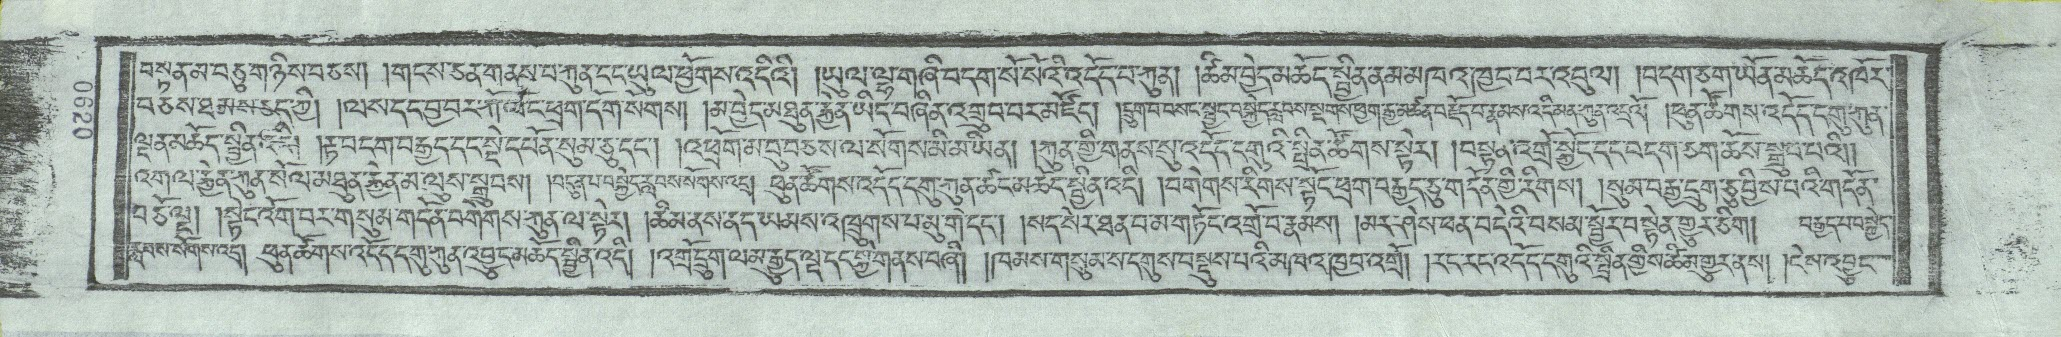བསྟན་མ་བཅུ་གཉིས་བཅས། །གངས་ཅན་གནས་པ་ཀུན་དང་ཡུལ་ཕྱོགས་འདིའི། །ཡུལ་ལྷ་གཞི་བདག་སོ་སོའི་འདོད་པ་ཀུན། །ཚིམ་བྱེད་མཆོད་སྦྱིན་ནམ་མཁའ་པར་འབྲུལ། །བདག་ཅག་ཡོན་མཆོད་འཁོར་
བཅས་ཐམས་ཅད་ཀྱི། །ལས་དང་བྱ་བར་ཀོ་ལོང་ཕྲག་དོག་སོགས། །མ་བྱེད་མཐུན་རྐྱེན་ཡིད་བཞིན་འགྲུབ་པར་མཛོད། །དྲུག་པ་བསང་སྦྱང་བསྐྱེད་རླབས་སྔགས་ཕྱག་རྒྱ་མཚན་བརྗོད་པ་རྣམས་འདི་མན་ཀུན་འདྲའོ། །ཕུན་ཚོགས་འདོད་གུ་ཀུན་
ལྡན་མཆོད་སྦྱིན་འདི། །རྟ་བདག་བརྒྱད་དང་སྡེ་དཔོན་སུམ་ཅུ་དང་། །འཕྲོག་མ་བུ་བཅས་ལ་སོགས་མི་མ་ཡིན། །ཀུན་གྱི་གནས་སུ་འདོད་དགུའི་སྤྲིན་ཚོགས་སྟེར། །བསྟན་འགྲོ་སྐྱོང་དང་བདག་ཅག་ཆོས་སྒྲུབ་པའི། །
འགལ་རྐྱེན་ཀུན་སོལ་མཐུན་རྐྱེན་མ་ལུས་སྒྲུབས། །བདུན་པ་བསྐྱེད་རླབས་སོགས་འདྲ། ཕུན་ཚོགས་འདོད་དགུ་ཀུན་ཚང་མཆོད་སྦྱིན་འདི། །བགེགས་རིགས་སྟོང་ཕྲག་བརྒྱད་ཅུ་གདོན་གྱི་རིགས། །སུམ་བརྒྱ་དྲུག་ཅུ་བྱིས་པའི་གདོན་
བཅོ་ལྔ། །སྟེང་འོག་བར་གསུམ་གདོན་བགེགས་ཀུན་ལ་སྟེར། །ཚིམ་ནས་ནད་ཡམས་འཁྲུགས་པ་མུ་གེ་དང་། །སད་སེར་ཐན་པ་མ་གཏོང་འགྲོ་བ་རྣམས། །མར་ཤེས་ཕན་བདེའི་བསམ་སྦྱོར་བསྟེན་གྱུར་ཅིག། བརྒྱད་པ་བསྐྱེད་
རླབས་སོགས་འདྲ། ཕུན་ཚོགས་འདོད་དགུ་ཀུན་འབྱུང་མཆོད་སྦྱིན་འདི། །འགྲོ་དྲུག་ལམ་རྒྱུད་ལྔ་དང་སྐྱེ་གནས་བཞི། །ཁམས་གསུམ་ས་དགུས་བསྡུས་པའི་མཁའ་ཁྱབ་འགྲོ། །རང་རང་འདོད་དགུའི་སྤྲིན་གྱིས་ཚིམ་གྱུར་ནས། །དེས་འབྱུང་